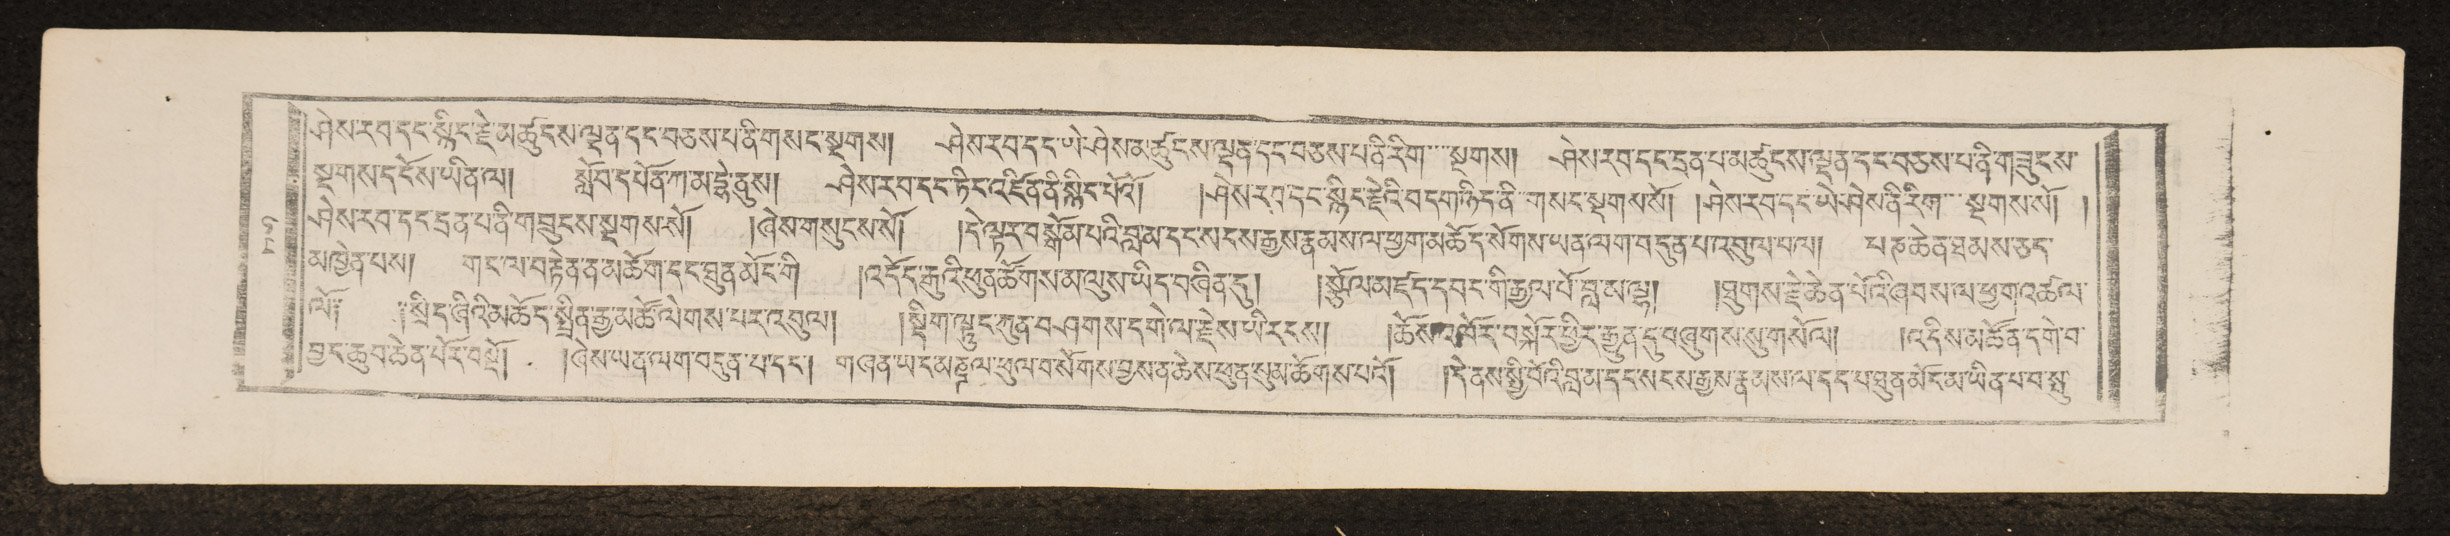ཤེས་རབ་དང་སྙིང་རྗེ་མཚུངས་ལྡན་དང་བཅས་པ་ནི་གསང་སྔགས། ཤེས་རབ་དང་ཡེ་ཤེས་མཚུངས་ལྡན་དང་བཅས་པ་ནི་རིག་སྔགས། ཤེས་རབ་དང་དྲན་པ་མཚུངས་ལྡན་དང་བཅས་པ་ནི་གཟུངས་
སྔགས་དངོས་ཡིན་ལ། སློབ་དཔོན་ཀ་མ་དྷེ་ནུས། ཤེས་རབ་དང་ཏིང་འཛིན་ནི་སྙིང་པོའོ། །ཤེས་རབ་དང་སྙིང་རྗེའི་བདག་ཉིད་ནི་གསང་སྔགས་སོ། །ཤེས་རབ་དང་ཡེ་ཤེས་ནི་རིག་སྔགས་སོ། །
ཤེས་རབ་དང་དྲན་པ་ནི་གཟུངས་སྔགས་སོ། །ཞེས་གསུངས་སོ། །དེ་ལྟར་བསྒོམ་པའི་བླ་མ་དང་སངས་རྒྱས་རྣམས་ལ་ཕྱག་མཆོད་སོགས་ཡན་ལག་བདུན་པ་འབུལ་བ་ལ། པཎ་ཆེན་ཐམས་ཅད་
མཁྱེན་པས། གང་ལ་བརྟེན་ན་མཆོག་དང་ཐུན་མོང་གི །འདོད་རྒུའི་ཕུན་ཚོགས་མ་ལུས་ཡིད་བཞིན་དུ། །སྩོལ་མཛད་དབང་གི་རྒྱལ་པོ་བླ་མ་ལྷ། །ཐུགས་རྗེ་ཆེན་པོའི་ཞབས་ལ་ཕྱག་འཚལ་
ལོ༑ །སྲིད་ཞིའི་མཆོད་སྤྲིན་རྒྱ་མཚོ་ལེགས་པར་འབུལ། །སྡིག་ལྟུང་ཀུན་བཤགས་དགེ་ལ་རྗེས་ཡི་རངས། །ཆོས་འཁོར་བསྐོར་ཕྱིར་རྒྱུན་དུ་བཞུགས་སུ་གསོལ། །འདིས་མཚོན་དགེ་བ་
བྱང་ཆུབ་ཆེན་པོར་བསྔོ། །ཞེས་ཡན་ལག་བདུན་པ་དང་། གཞན་ཡང་མཎྜལ་ཕུལ་བ་སོགས་བྱས་ན་ཆེས་ཕུན་སུམ་ཆོགས་པའོ། །དེ་ནས་སྤྱི་བོའི་བླ་མ་དང་སངས་རྒྱས་རྣམས་ལ་དང་བ?་ཐུན་མོང་མ་ཡིན་པ་བ་སྤུ་